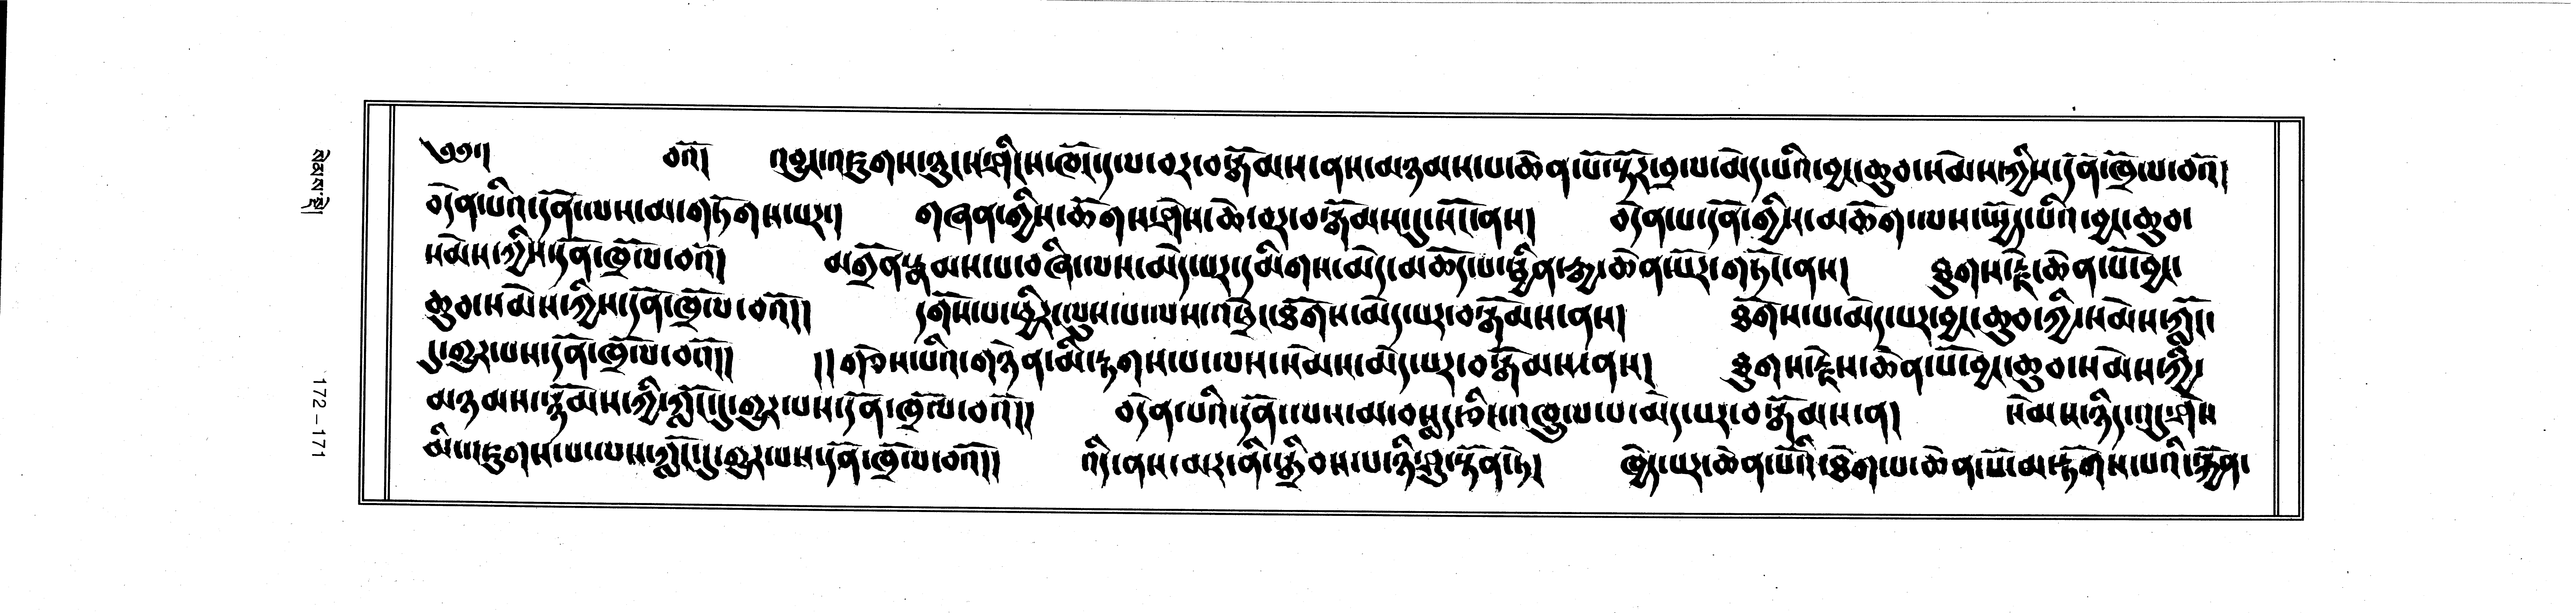འབྱུང་འཇུགས་ཉུངས་ཤིངས་ཁོང་དལ་བར་བསྒོམས་ནས་མཉམས་པ་ཆེན་པོ་སྟོར་བྲལ་མེད་པའི་བྱང་ཆུབ་སེམས་ཀྱིས་དོན་ཁྲོལ་བའོ། 
བདེན་པའི་དོན་ལས་མ་གཏོགས་པར། གཞན་གྱིས་ཆོག་ཤེས་ཆེ་བར་བསྒོམས་དུ་སོང་ནས། བདེན་པ་དོན་གྱིས་མཆོག་ལས་སྤྱོད་པའི་བྱང་ཆུབ་
སེམས་ཀྱིས་དོན་ཁྲོལ་བའོ། མགྲོན་རྣམས་པ་བཞི་ལས་མེད་པར་དམིགས་མེད་མཆོད་པ་སྦྱིན་རྒྱ་ཆེན་པོར་གཏོང་ནས། ཐུགས་རྗེ་ཆེན་པོ་བྱང་
ཆུབ་སེམས་ཀྱིས་དོན་ཁྲོལ་བའོ། དགོས་པ་ཕྱིར་ལུས་པ་ལས་འཕྲེང་ཐོགས་མེད་པར་བསྒོམས་ནས། ཐོགས་པ་མེད་པར་བྱང་ཆུབ་ཀྱི་སེམས་ཀློང་
དུ་གྱུར་པས་དོན་ཁྲོལ་བའོ། གཅེས་པའི་གཉེན་མི་རྟགས་པ་ལས་སེམས་མེད་པར་བསྒོམས་ནས། ཐུགས་རྗེས་ཆེན་པོ་བྱང་ཆུབ་སེམས་ཀྱི་
མཉམས་སྙོམས་ཀྱི་ཀློང་དུ་གྱུར་པས་དོན་ཁྲོལ་བའོ། བདེན་པའི་དོན་ལས་མ་བསླད་ཅིང་འཁྲུལ་པ་མེད་པར་བསྒོམ་ན། སེམས་ཉིད་འདུ་ཤེས་
མི་འཇུག་པ་ལས་ཀློང་དུ་གྱུར་པས་དོན་ཁྲོལ་བའོ། འདི་ནས་མར་ནི་སྒྲིབ་པ་ཉི་ཤུ་སྟོན་ཏེ། ཁྱད་པར་ཆེན་པོའི་ཐེག་པ་ཆེན་པོ་མ་རྟོགས་པའི་སྐྱོན་དབང་